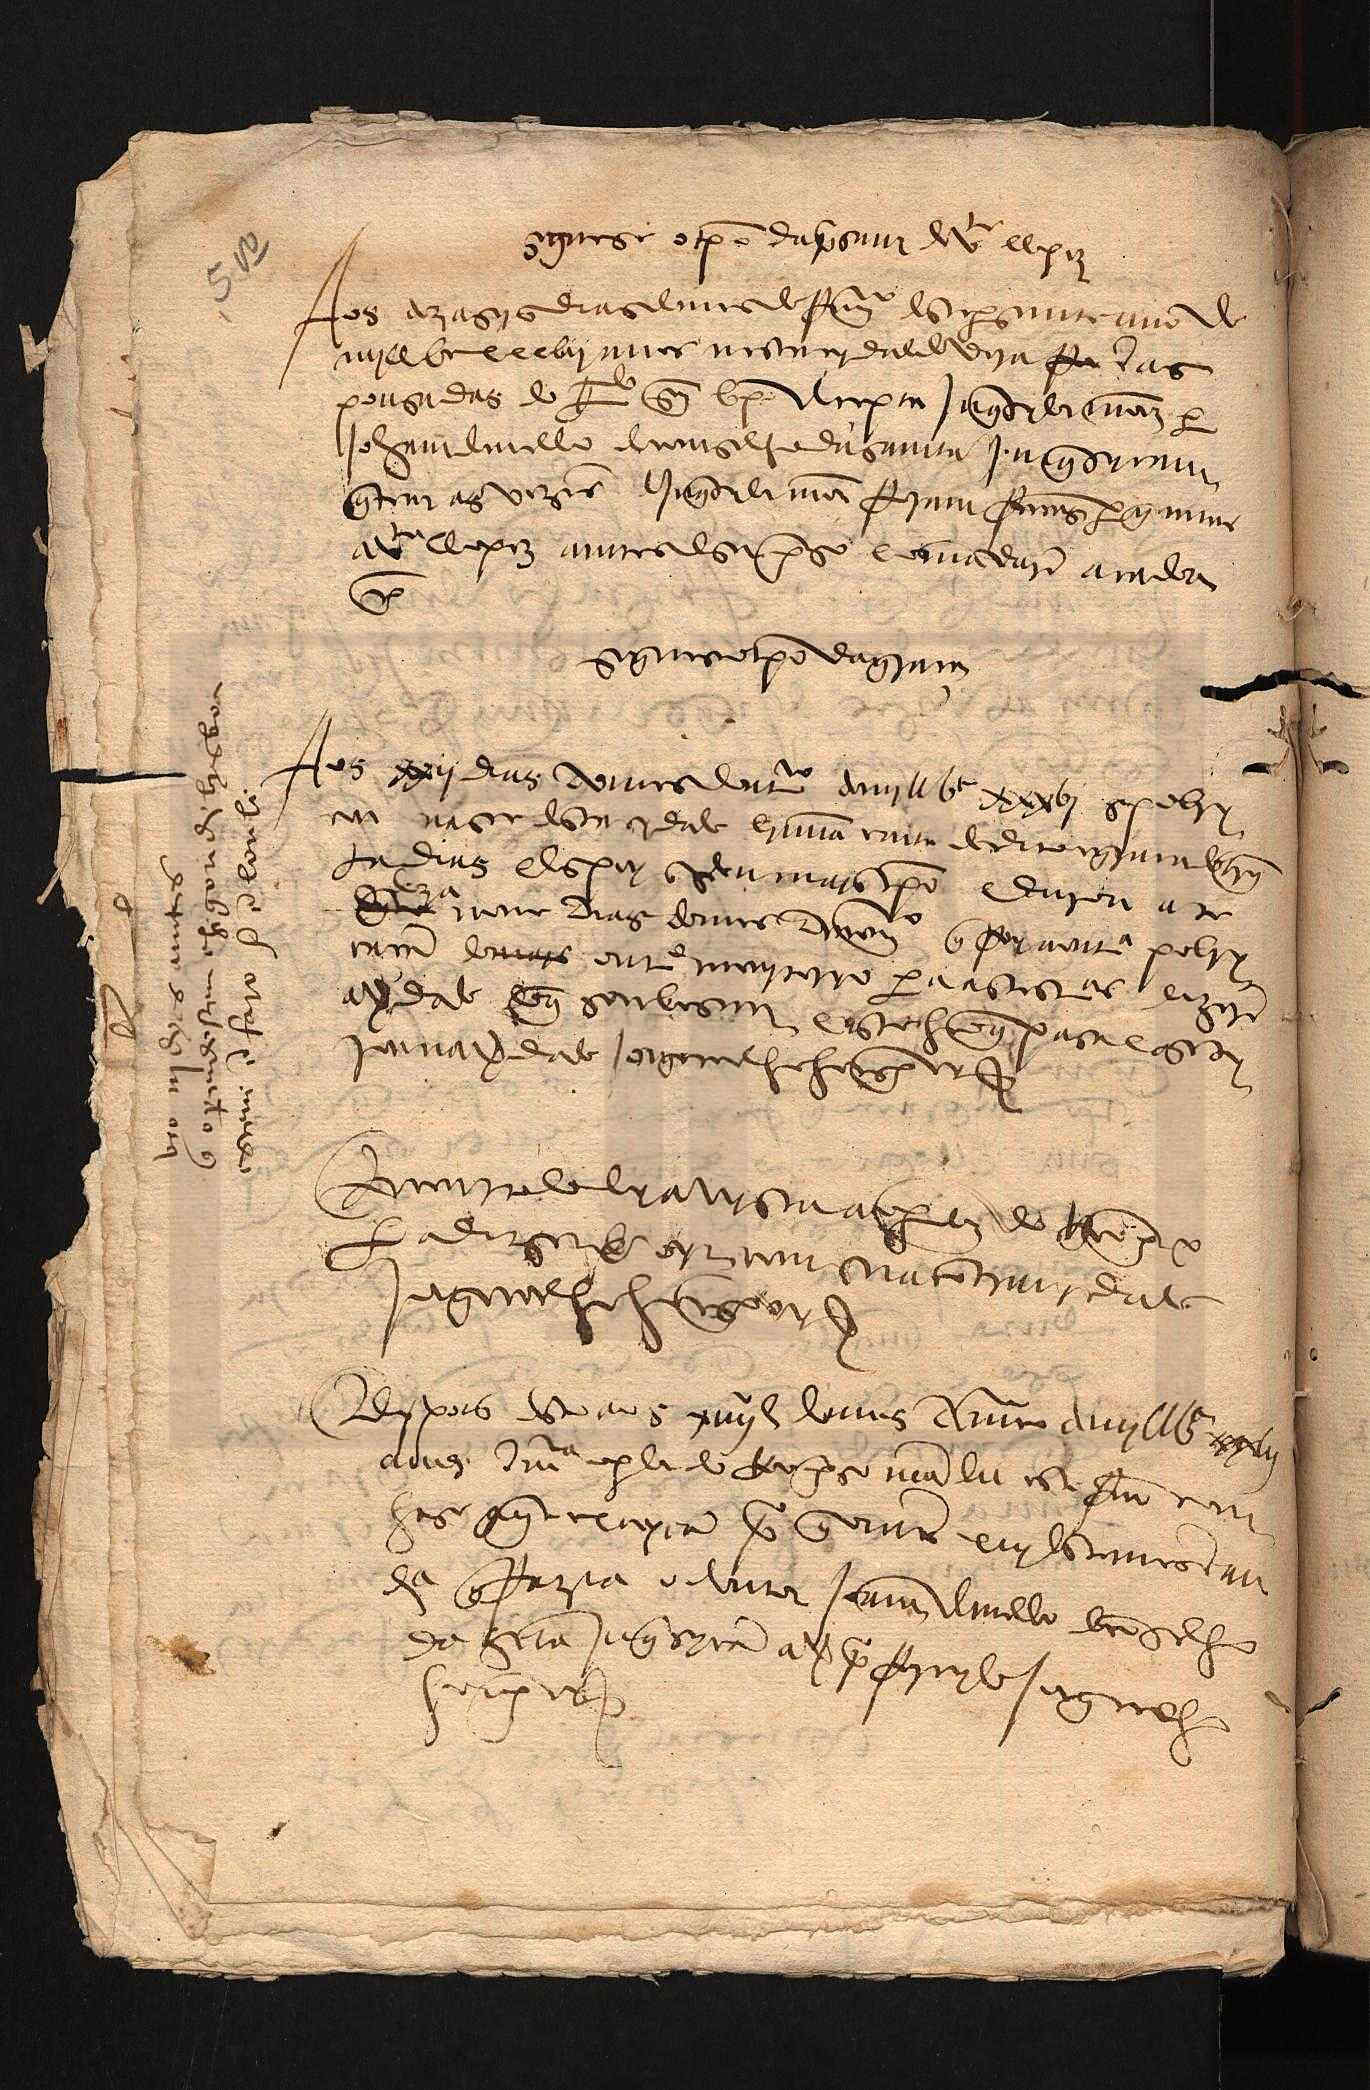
veo iij dyas amtes
q̄ o ꝑendessem chegou de lysboa
esteue ē faro e ē loule
seguese o tp̄o da p̄sam de vte llopez
Aos dezasejs dias do mes de feuro deste ꝑsemte ano de
mjll bc xxxbij anos nesta cydade devora fo ē as
pousadas do Rdo s̄or bp̄o de cepta Jnq̄sydor moor ꝑ
Joham de mello do comselho da samta Jmq̄syçam
q̄ tem as vezes de Jnq̄sydor mor foram feitas ꝑḡmtas
a vte llopez amtes de ser p̄so e o mādarē a cadea
c̄ꝭ
seguese o tp̄o da graça
Aos xxij dias do mes doutro de mjll bc xxxbj se pobry
cou na see desta cydade hūua carta de edito e graça de trȳ
ta dias e despoys se deu mais tp̄o e durou ate
dezanoue dias do mes de nouro q̄ foy a outa pobry
caçā do mais outo monjtoryo ꝑa as testas dizerē
a ꝟdade do q̄ soubesem e ysto he o q̄ pasa e se ty
rou na ꝟdade Jorge coelho ho esp̄vy
E concertado dey a vysta ao ꝑdor do Reo p̄so
ꝑa dizer e vyr com sua cōtraryedade
Jorge coelho ho esp̄vy
E despois desto aos xiiijo d do mes de m̄ço de mjll bc xxxbij
anos ē eura o ꝑdor do Reo p̄so mādou este fct̄o com
ha seguj̄te exeyçā p̄oq̄ viu ē xiij deste mes ē au
dja q̄ fazia o doutor Joam de mello do cōselho
da sāta Jnq̄syçā aꝟ p̄o ferydo Jorge coelho
ho esp̄vi
